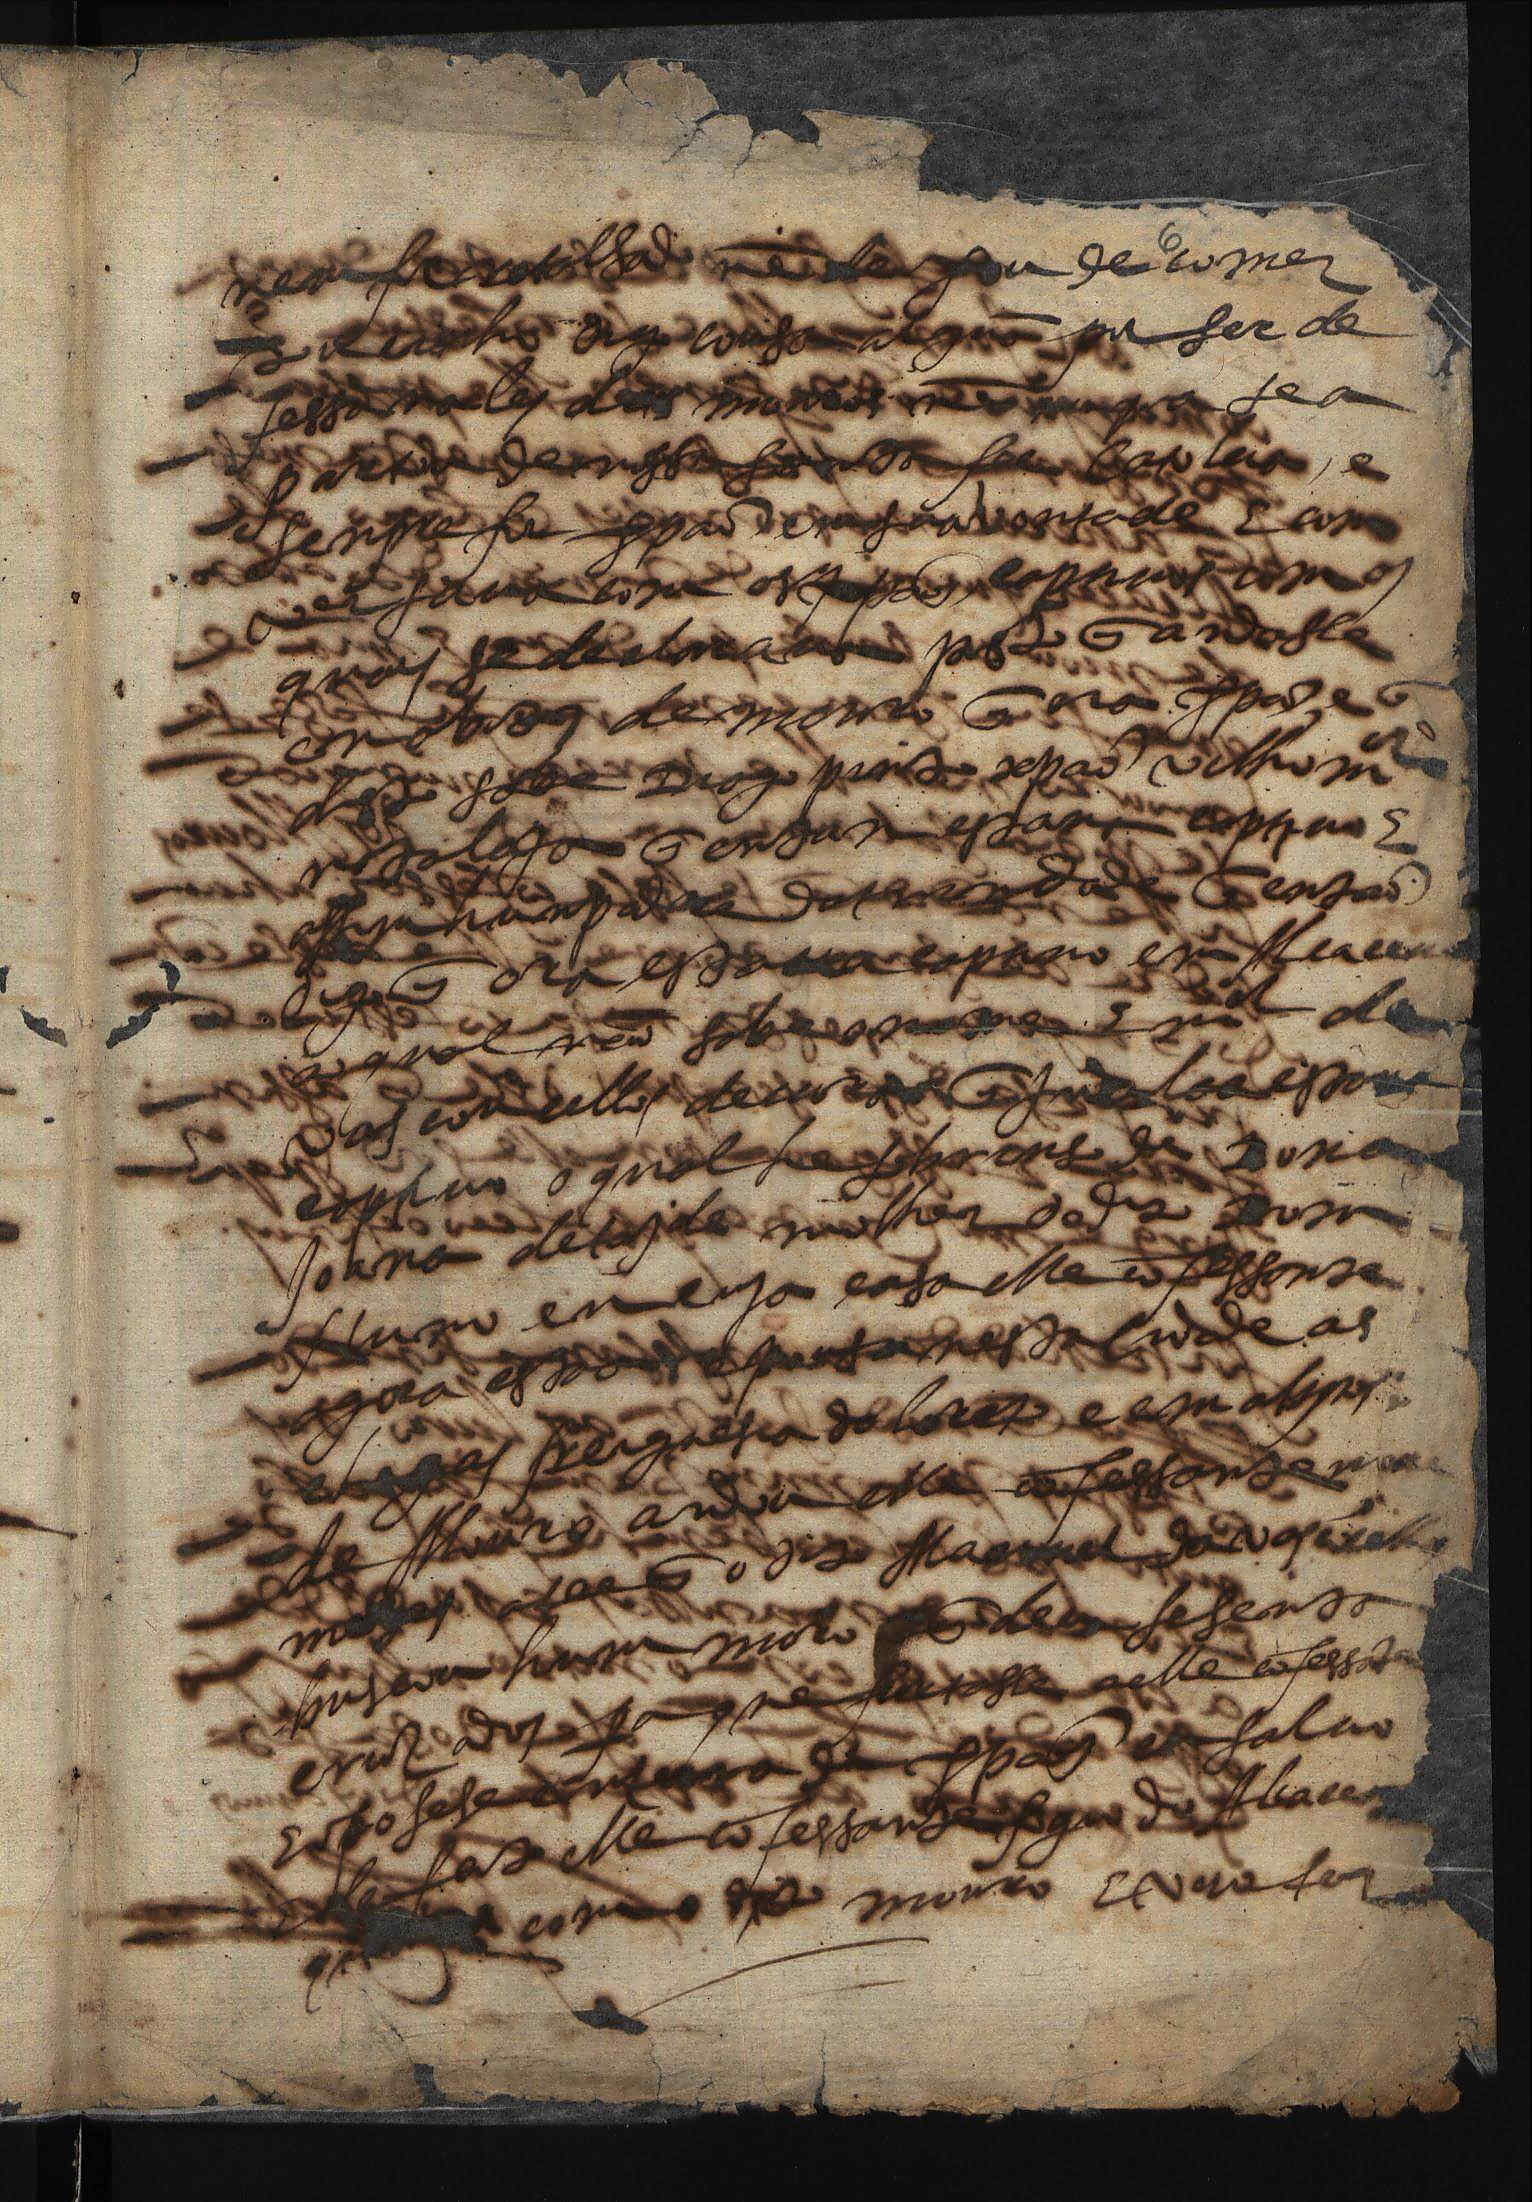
nem foi retalhado nē deixou de comer
toucinho digo cousa alguā por ser de
fessa na lej dos mouros nē nunqua se a
partou de nossa santa fee catolica, e
senpre foi xpaõ em sua vontade E com
versaua com os xpaõs captiuos com os
quais se declaraua posto q̄ andasse
en abitos de mouro q̄ era xpaõ e q̄
disto sabe Diogo pinto xpaõ velho mor
nesta Casa q̄ entam estaua captiuo E
assim hum padre da trindade q̄ entaõ
digo q̄ ora estaua captiuo em Alcacer
o qual não sabe o nome E mel de
vasconcellos de_ q̄ Jnda laa estaua
captiuo o qual he sobrinho de Dona
Joana de tajde molher do dito Dom
Nuno en cuja casa elle cōfessante
agora estaa e pousa nesta cidade as
chagas frerguesia do loreto, e em abjtos
de Mouro andou elle cōfessante noue
meses atee q̄ o dito Manuel da vascōcellos
buscou hum moro q̄ deu sesenta
cruzados ꝑa que furtasse a elle cōfessāte
e o posese en terra de xpaõs en saluo
e de fato elle cōfessante fogio do Alcacer
com o dito mouro E vero foj
